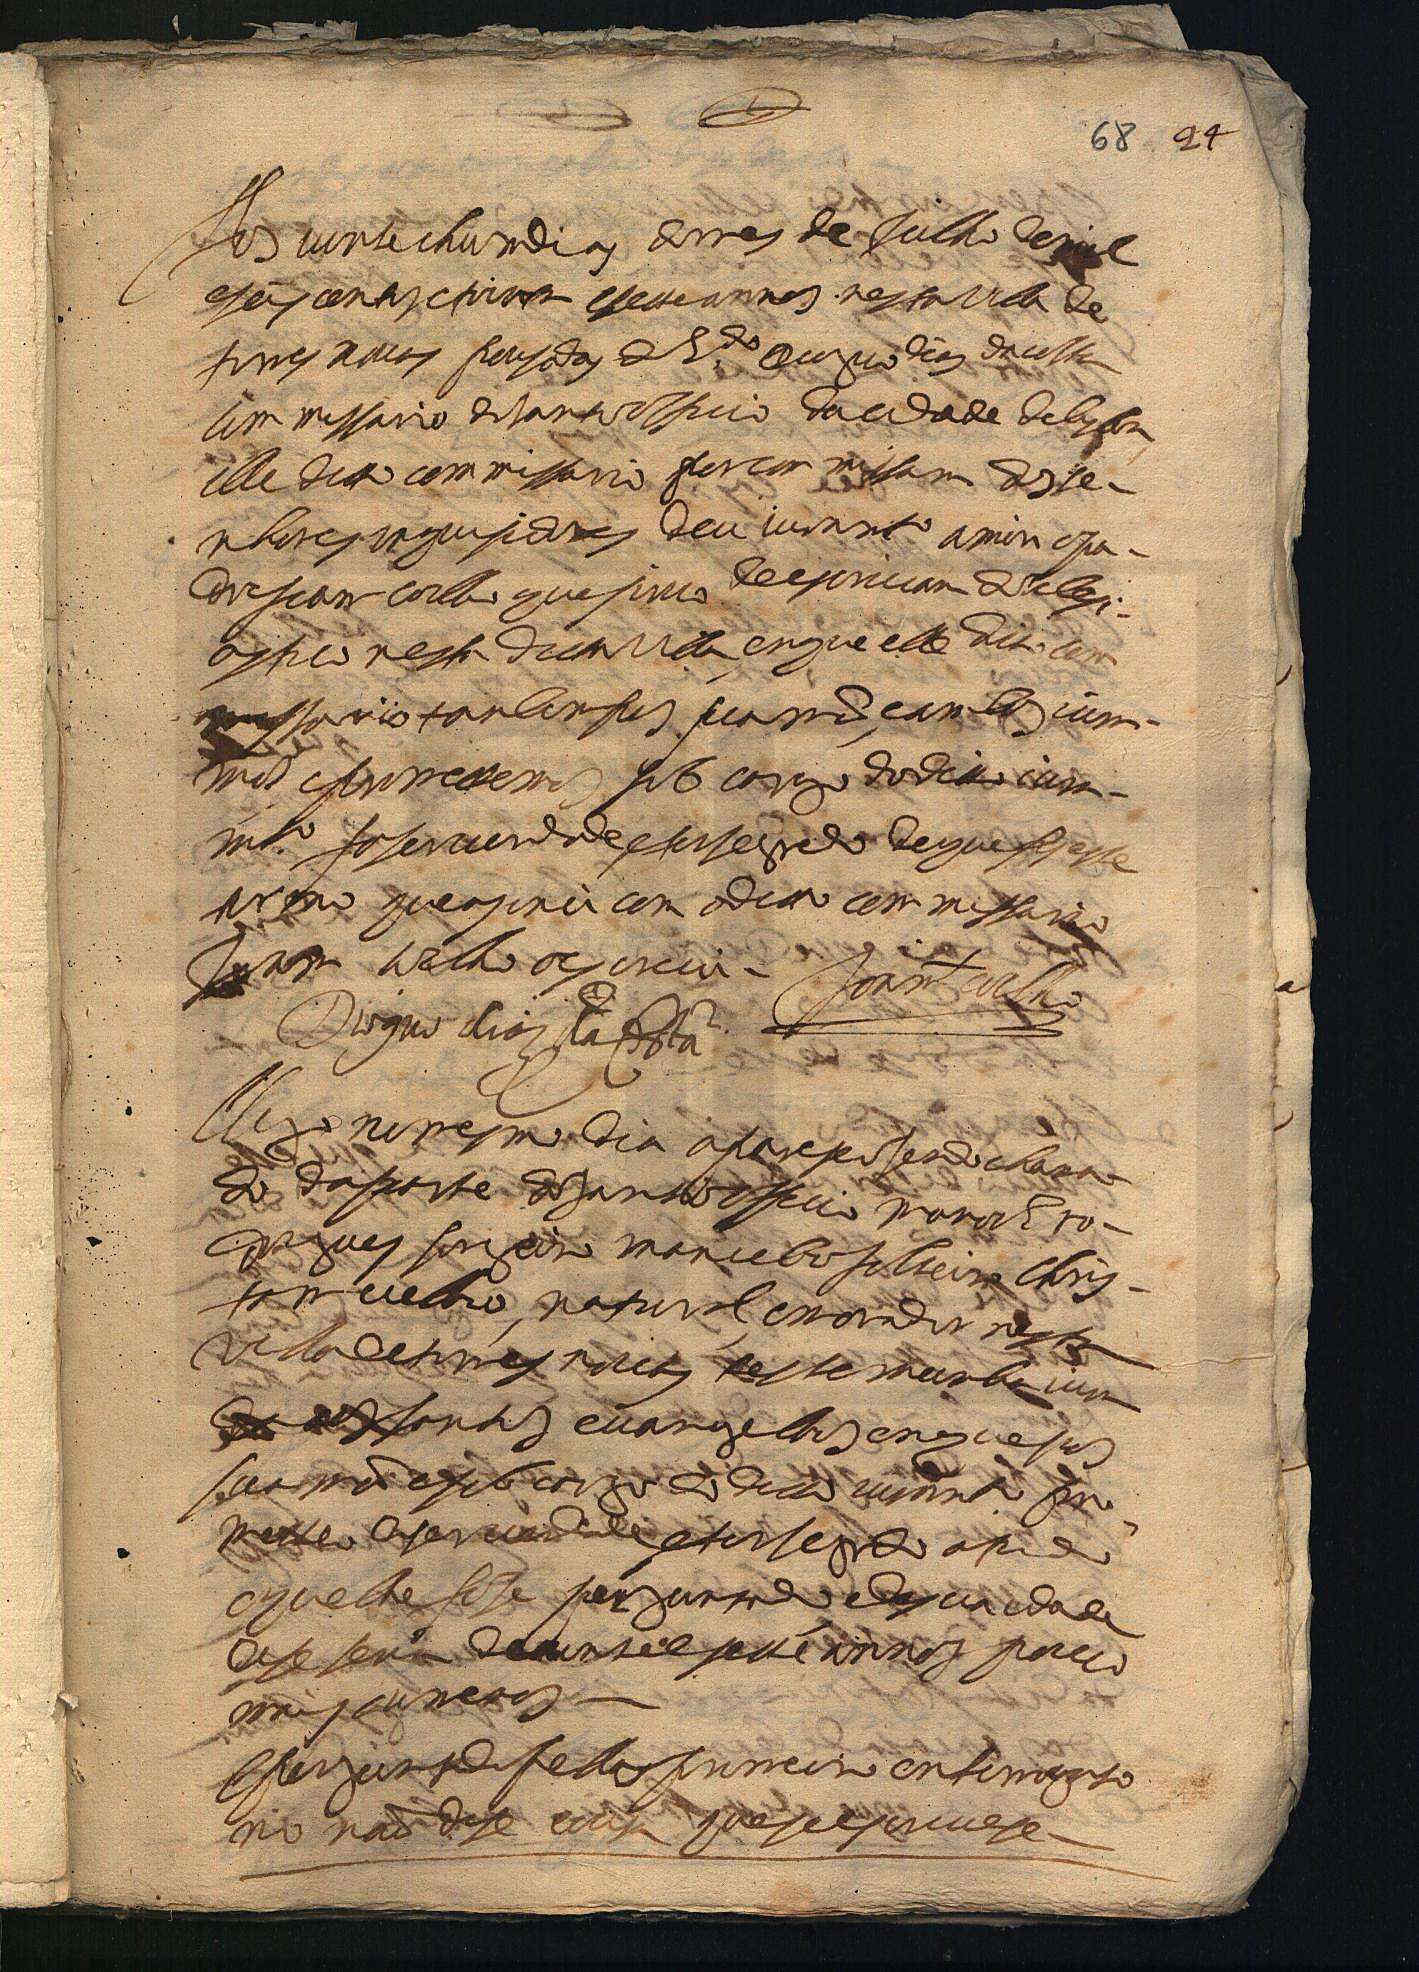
Aos uinte e hum dias do mes de julho de mil
e seiscentos e trinta e sette annos nesta villa de
torres nouas pousadas do l.do Dioguo dias da costa
commissario do santo officio da cidade de lisboa
elle ditto commissario por comissam dos se
nhores inquisidores deu iuramto a min o pa
dre joam coelho que siruo de escriuam do eclesi
astico nesta ditta villa, en que elle dito com
missario tanbem pos sua mão, e ambos iura
mos e promettemos sob cargo do ditto iura
mt.o fazer uerdade e ter segredo de que fis este
termo que asinei com o ditto commissario
Joam coelho o escreui.
E logo no mesmo dia apareseo sendo chama
do da parte do santo officio manoel ro
drigues sirgeiro mancebo solteiro chris
tam uelho, natural, e morador nesta
villa de torres nouas testemunha iura
da aos santos euangelhos em que pos
sua maõ e sob cargo do ditto iuramt.o pro
metteo dizer uerdade, e ter segredo a tudo
o que lhe fose perguntado, e de sua idade
dise seria de uinte e sette annos pouco
mais ou menos
E perguntado pello primeiro enterrogato
rio não dise cousa que se escreuese
